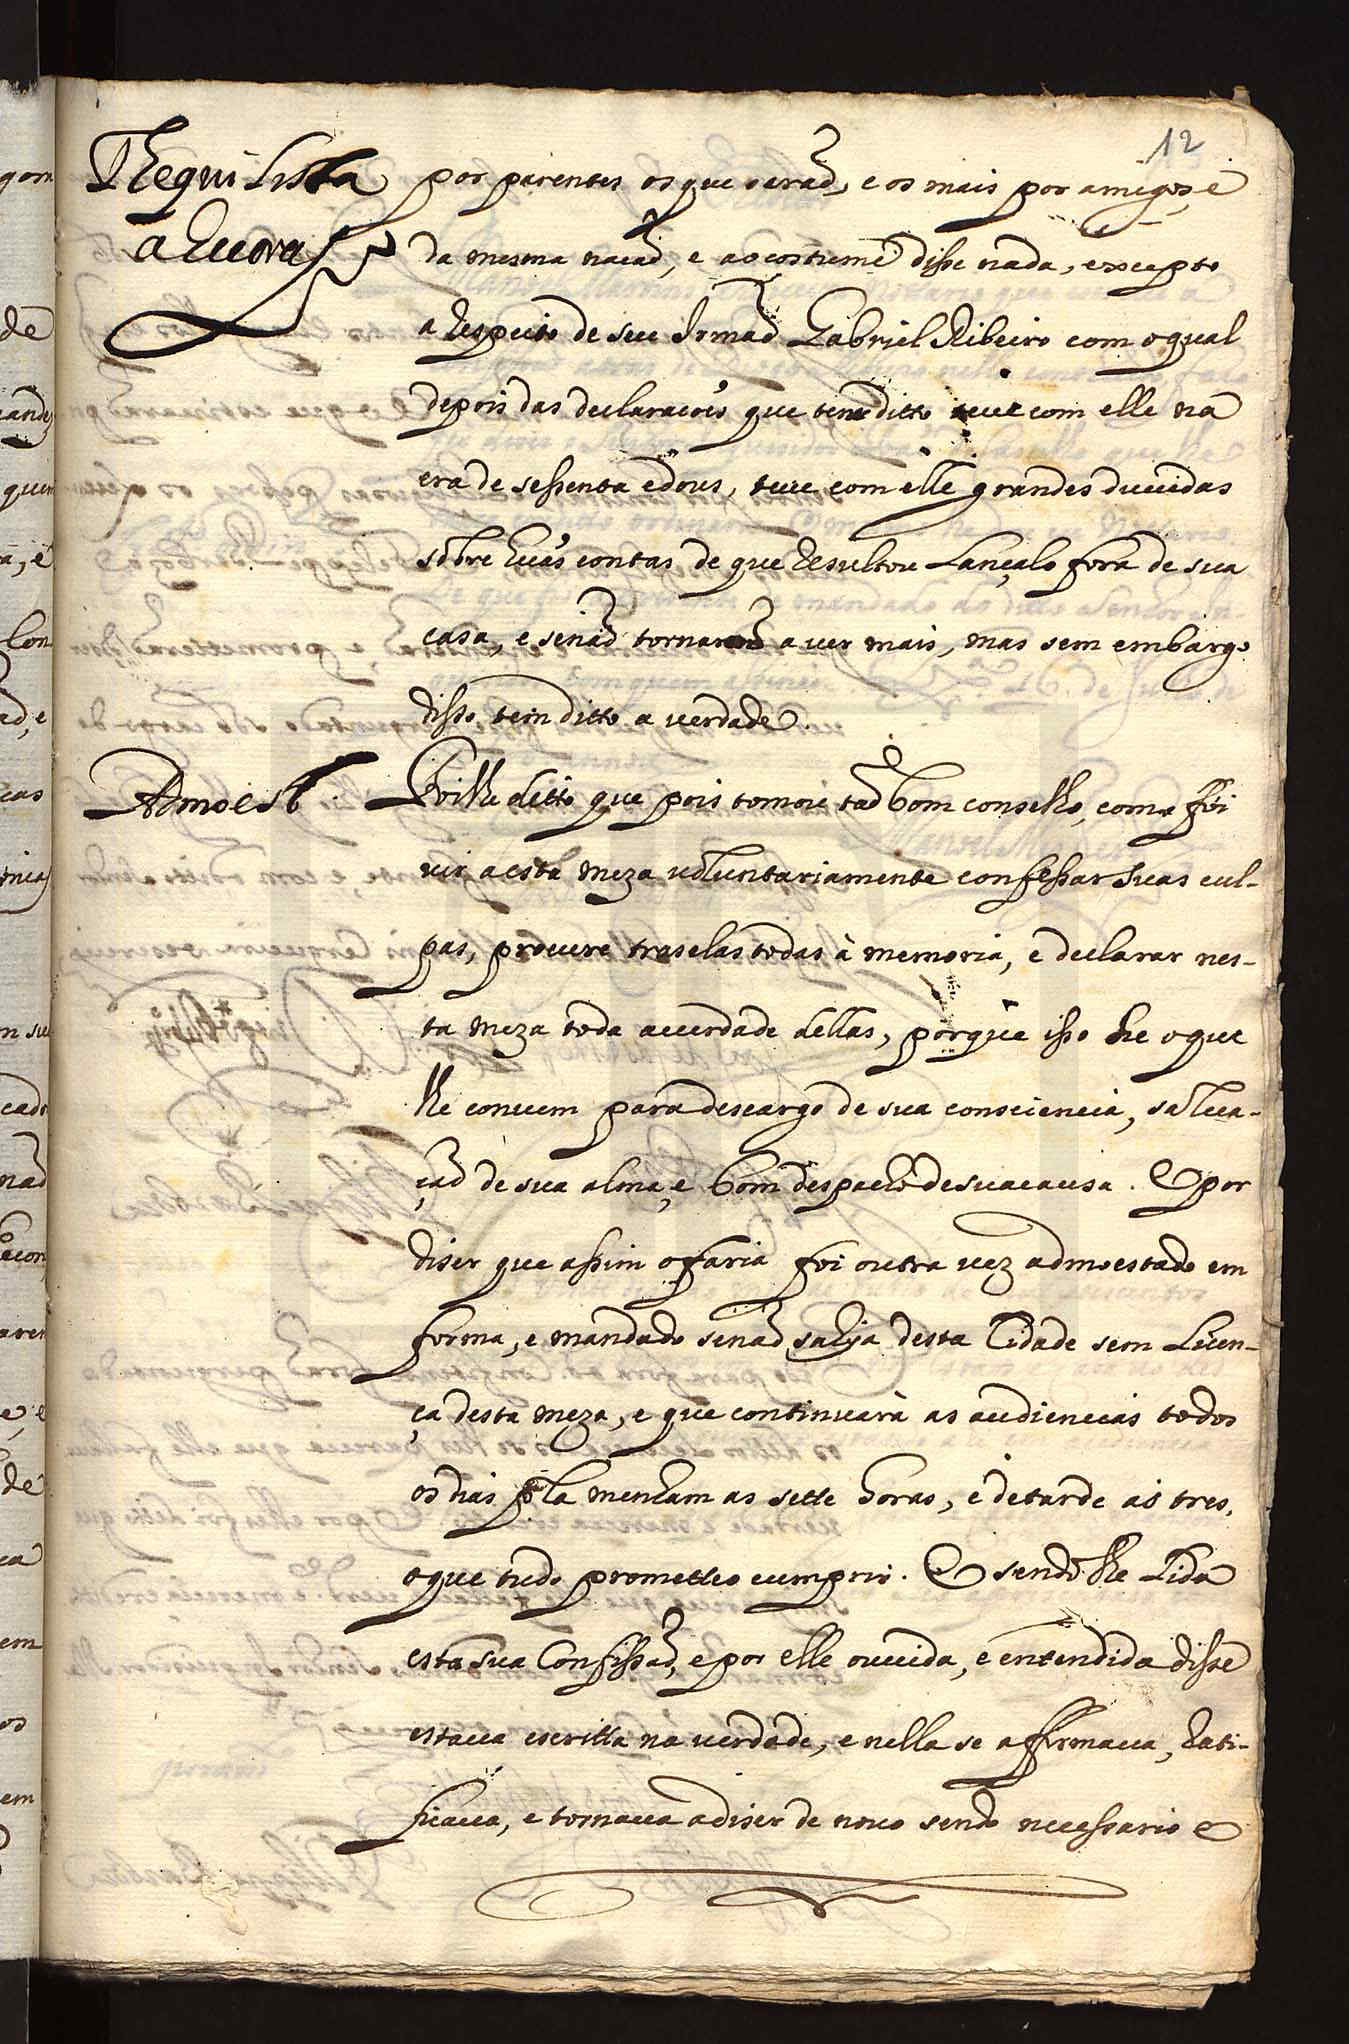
por parentes os que o eraõ, e os mais por amigos, e
da mesma nacaõ, e ao costume disse nada, excepto
a Respeito de seu Irmaõ Gabriel Ribeiro com o qual
depois das declaracões que te_ ditto teue com elle na
era de sessenta e dous, teue com elle grandes duuidas
sobre huās contas de que Resultou Lançalo fora de sua
casa, e senaõ tornar_õ a uer mais, mas sem embargo
disso tem ditto a uerdade.
Foilhe ditto que pois tomou taõ bom conselho, como foi
uir a esta meza uoluntariamente confessar suas cul
pas, procure traselas todas à memoria, e declarar nes
ta meza toda a uerdade dellas, porque isso he o que
lhe conuem para descargo de sua consciencia, salua
çaõ de sua alma, e bom despacho de sua causa. E por
diser que assim o faria foi outra uez admoestado em
forma, e mandado se naõ sahya desta Cidade sem Licen
ça desta meza, e que continuarà as audiencias todos
os dias p̄la menham as sette horas, e de tarde as tres,
o que tudo prometteo cumprir. E sendolhe Lida
esta sua Confissaõ, e por elle ouuida, e entendida disse
estaua escritta na uerdade, e nella se affirmaua, Rati
ficaua, e tornaua a dizer de nouo sendo necessario e
